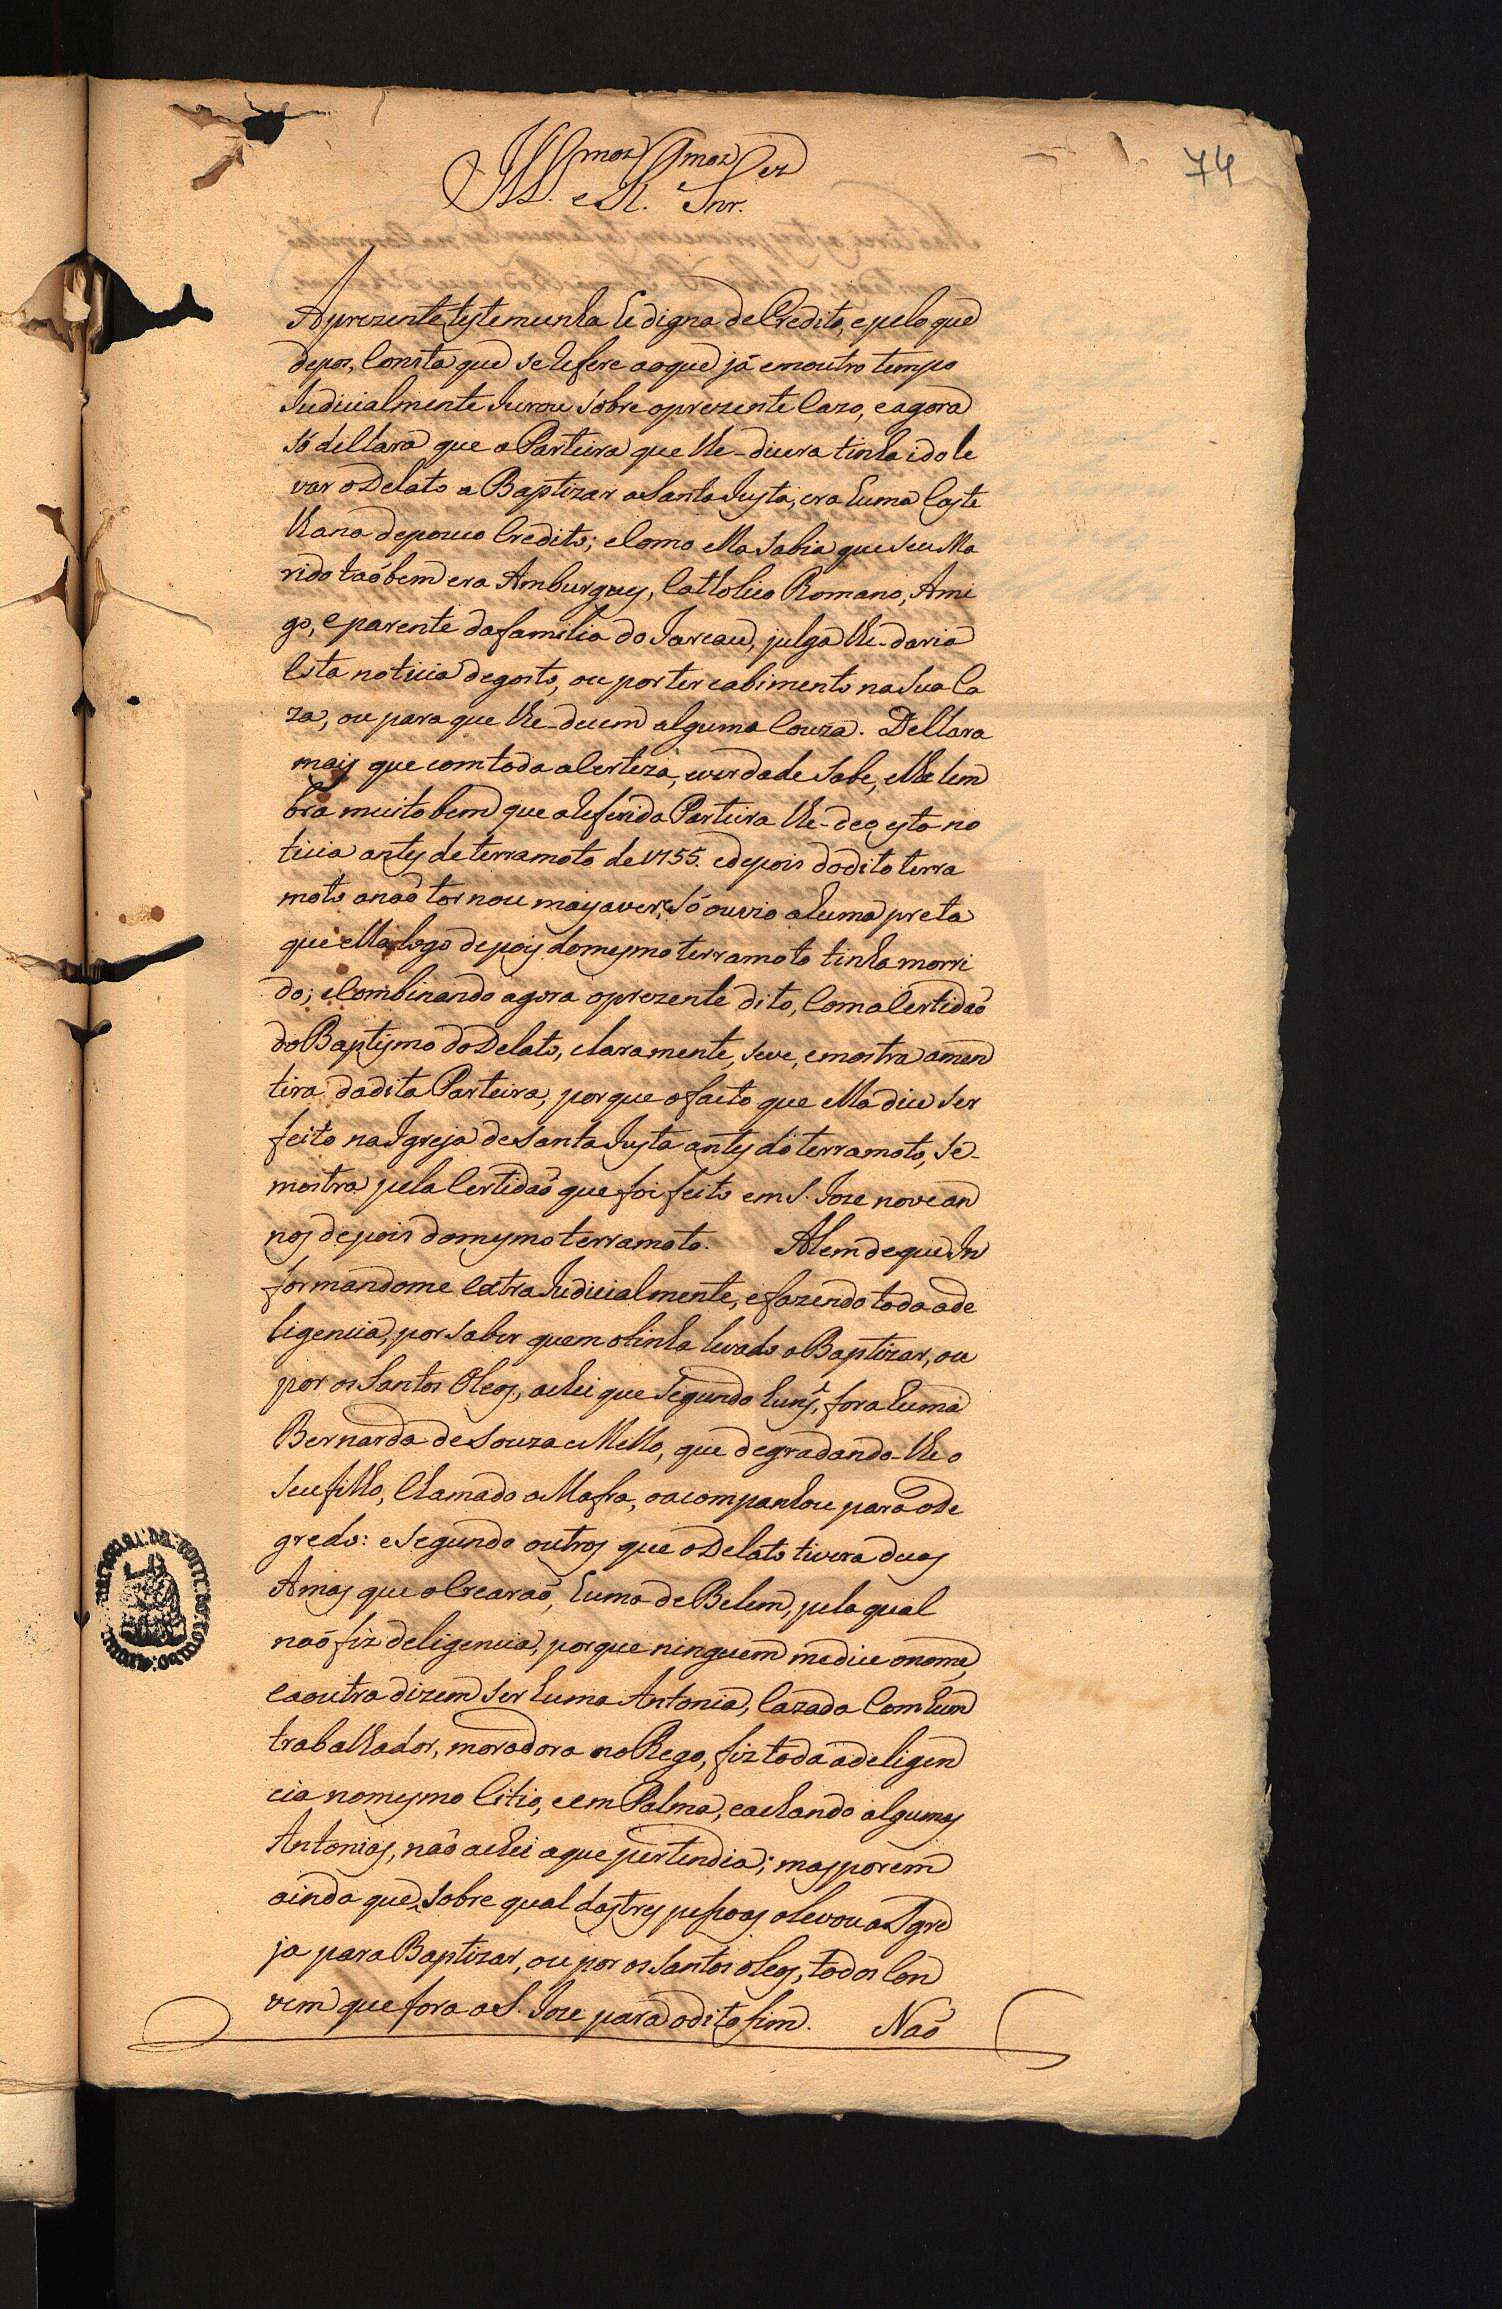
Ill.mos R.mes Snr.es
A prezente testemunha he digna de Credito, e pelo que
depos, Consta que se Refere ao que já em outro tempo
Iudicialmente Iurou sobre o prezente Cazo, e agora
só deClara que a Parteira que lhe-dicera tinha ido le
var o Delato a Baptizar a Santa Iusta, era huma Caste
lhana de pouco Credito; e Como ella sabia que seu Ma
rido taõbem era Amburgues, Catholico Romano, Ami
go, e parente da familia do Iarcau, julga lhe-daria
esta noticia de gosto, ou por ter cabimento na sua Ca
za, ou para que lhe decem alguma Couza. DeClara
mais que com toda a Certeza, e verdade sabe, e lhe lem
bra muito bem que a Referida Parteira lhe deo esta no
ticia antes de terramoto de 1755 e depois do dito terra
moto a naõ tornou mais a ver, e só ouvio a huma preta
que ella logo depois do mesmo terramoto tinha morri
do; e Combinando agora o prezente dito, Com a Certidaõ
do Baptismo do Delato, claramente, se ve, e mostra a men
tira da dita Parteira, porque o facto que ella dice ser
feito na Igreja de Santa Iusta antes do terramoto, se
mostra pela Certidaõ que foi feito em S. Ioze nove an
nos depois do mesmo terramoto. Alem de que In
formandome extraIudicialmente, e fazendo toda a de
ligencia, por saber quem o tinha levado o Baptizar, ou
por os Santos Oleos, achei que segundo huns, fora huma
Bernarda de Souza e Mello, que degradando-lhe o
seu filho, chamado o Mafra, o acompanhou para o De
gredo: e segundo outros que o Delato tivera duas
Amas que o Crearaõ, huma de Belem, pela qual
naõ fiz deligencia, porque ninguem me dice o nome,
e a outra dizem ser huma Antonia, Cazada Com hum
trabalhador, moradora no Rego, fiz toda a deligen
cia no mesmo Citio, e em Palma, e achando algumas
Antonias, naõ achei a que pertendia; mas porem
ainda que sobre qual das tres pessoas o levou a Igre
ja para Baptizar, ou por os Santos oleos, todos Con
vem que fora a S. Ioze para o dito fim. Naõ
